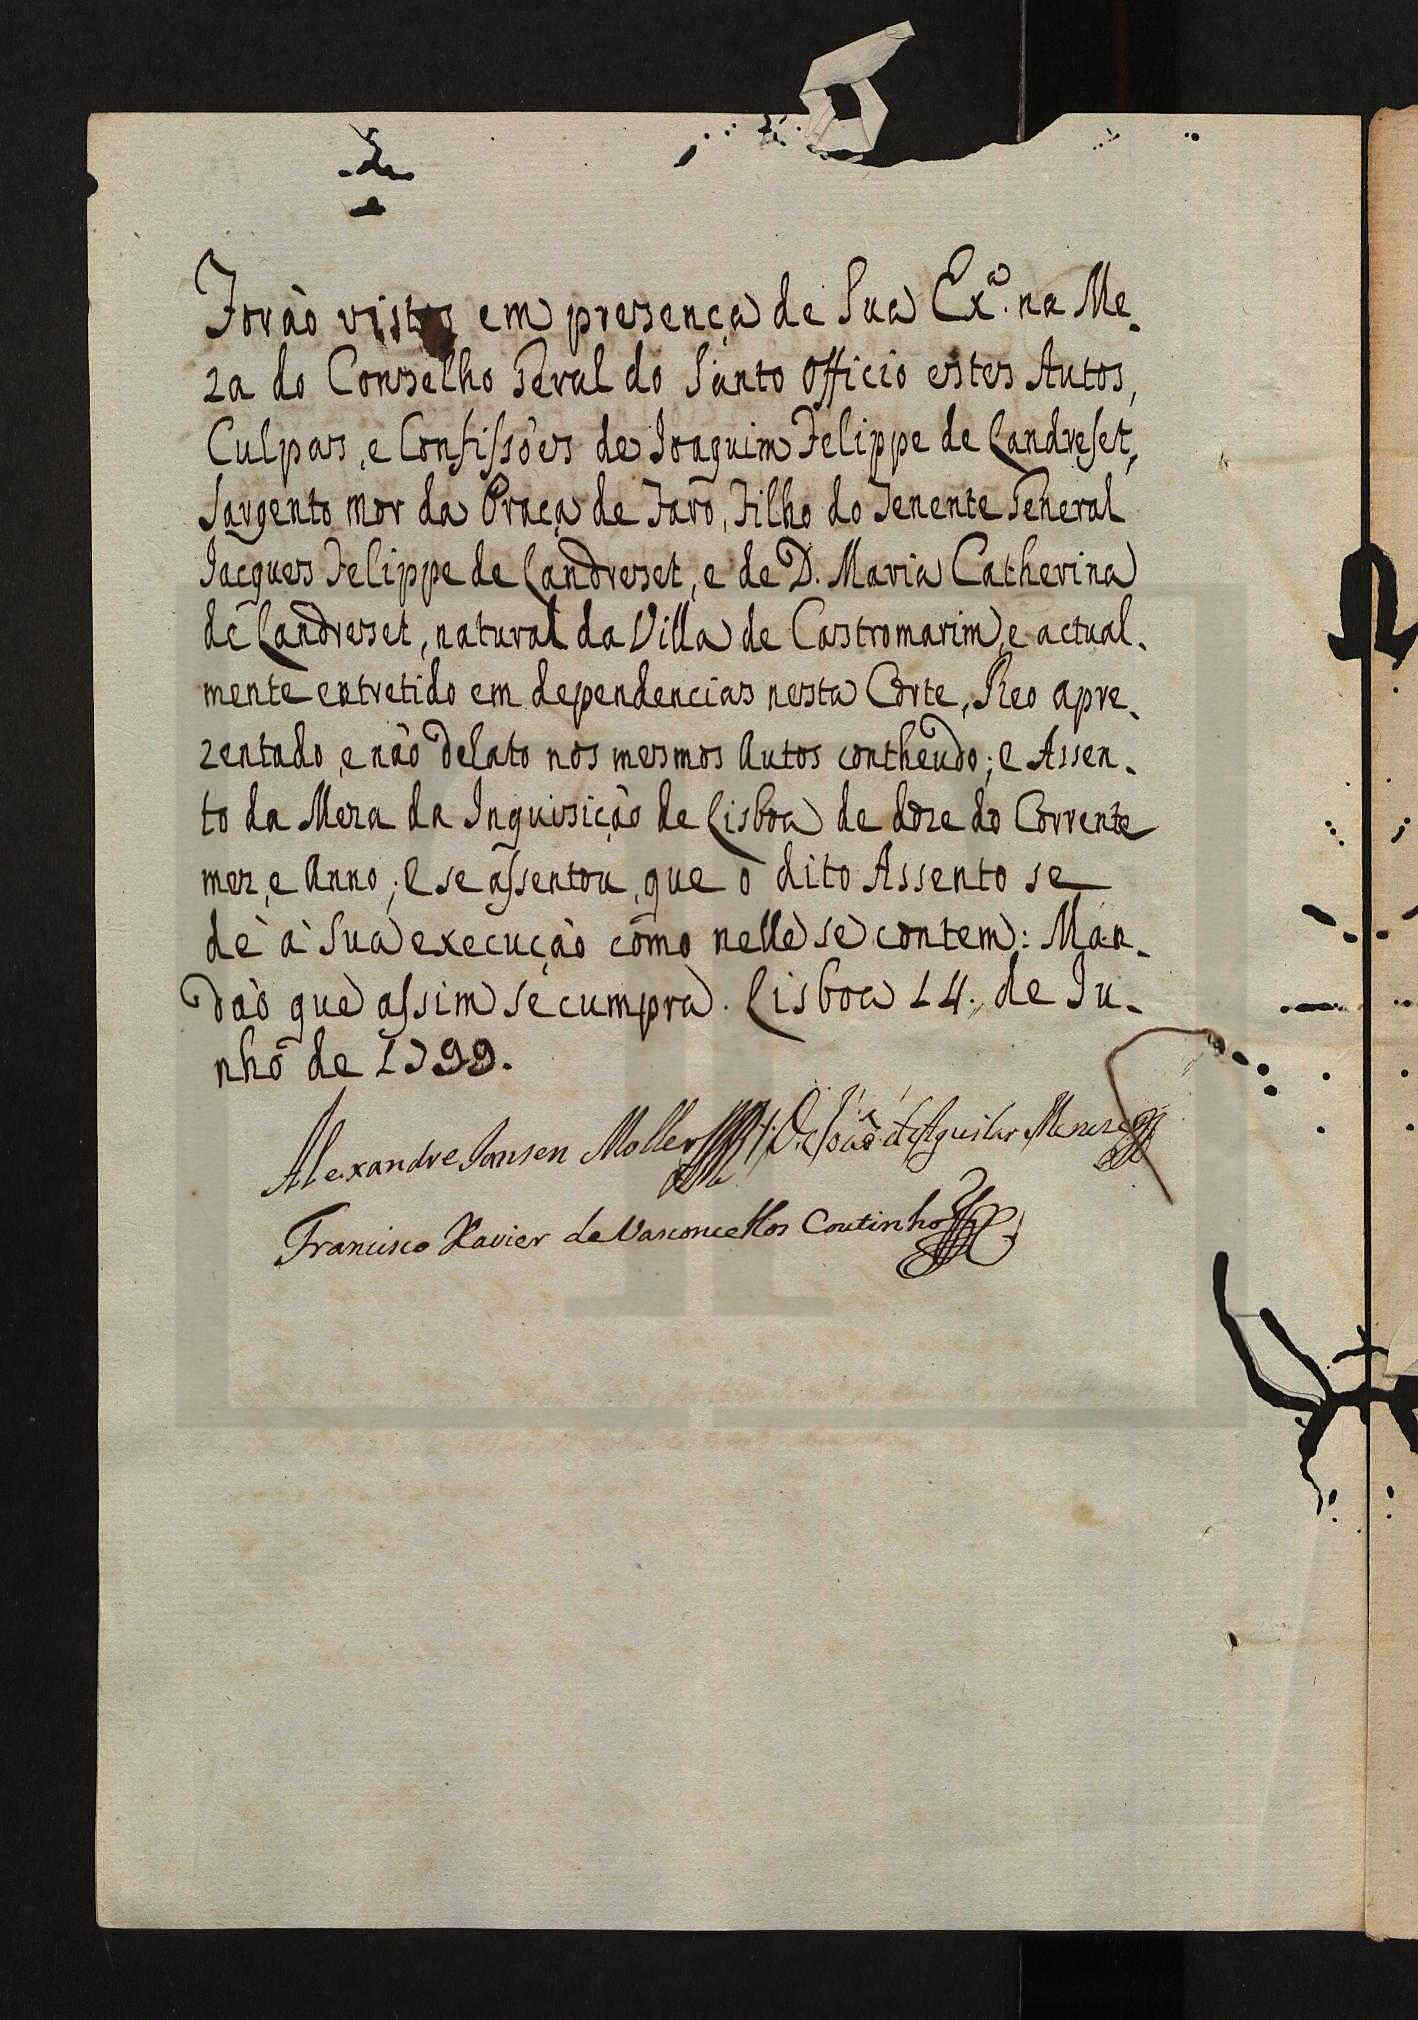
Foraõ vist_s em presença de Sua Ex.a na Me
za do Conselho Geral do Santo Officio estes Autos,
Culpas, e Confissões de Joaquim Felippe de Landreset,
Sargento mor da Praça de Faro, Filho do Tenente General
Iacques Felippe de Landreset, e de D. Maria Catherina
de Landreset, natural da Villa de Castro marim, e actual
mente entretido em dependencias nesta Corte, Reo apre
zentado, e não delato nos mesmos autos contheudo; e Assen
to da Meza da Inquisição de Lisboa de doze do Corrente
mez e anno. e se assentou, que o dito Assento se
dè à Sua execução como nelle se contem: Man
daõ que assim se cumpra. Lisboa 14. de Iu
nho de 1799.
